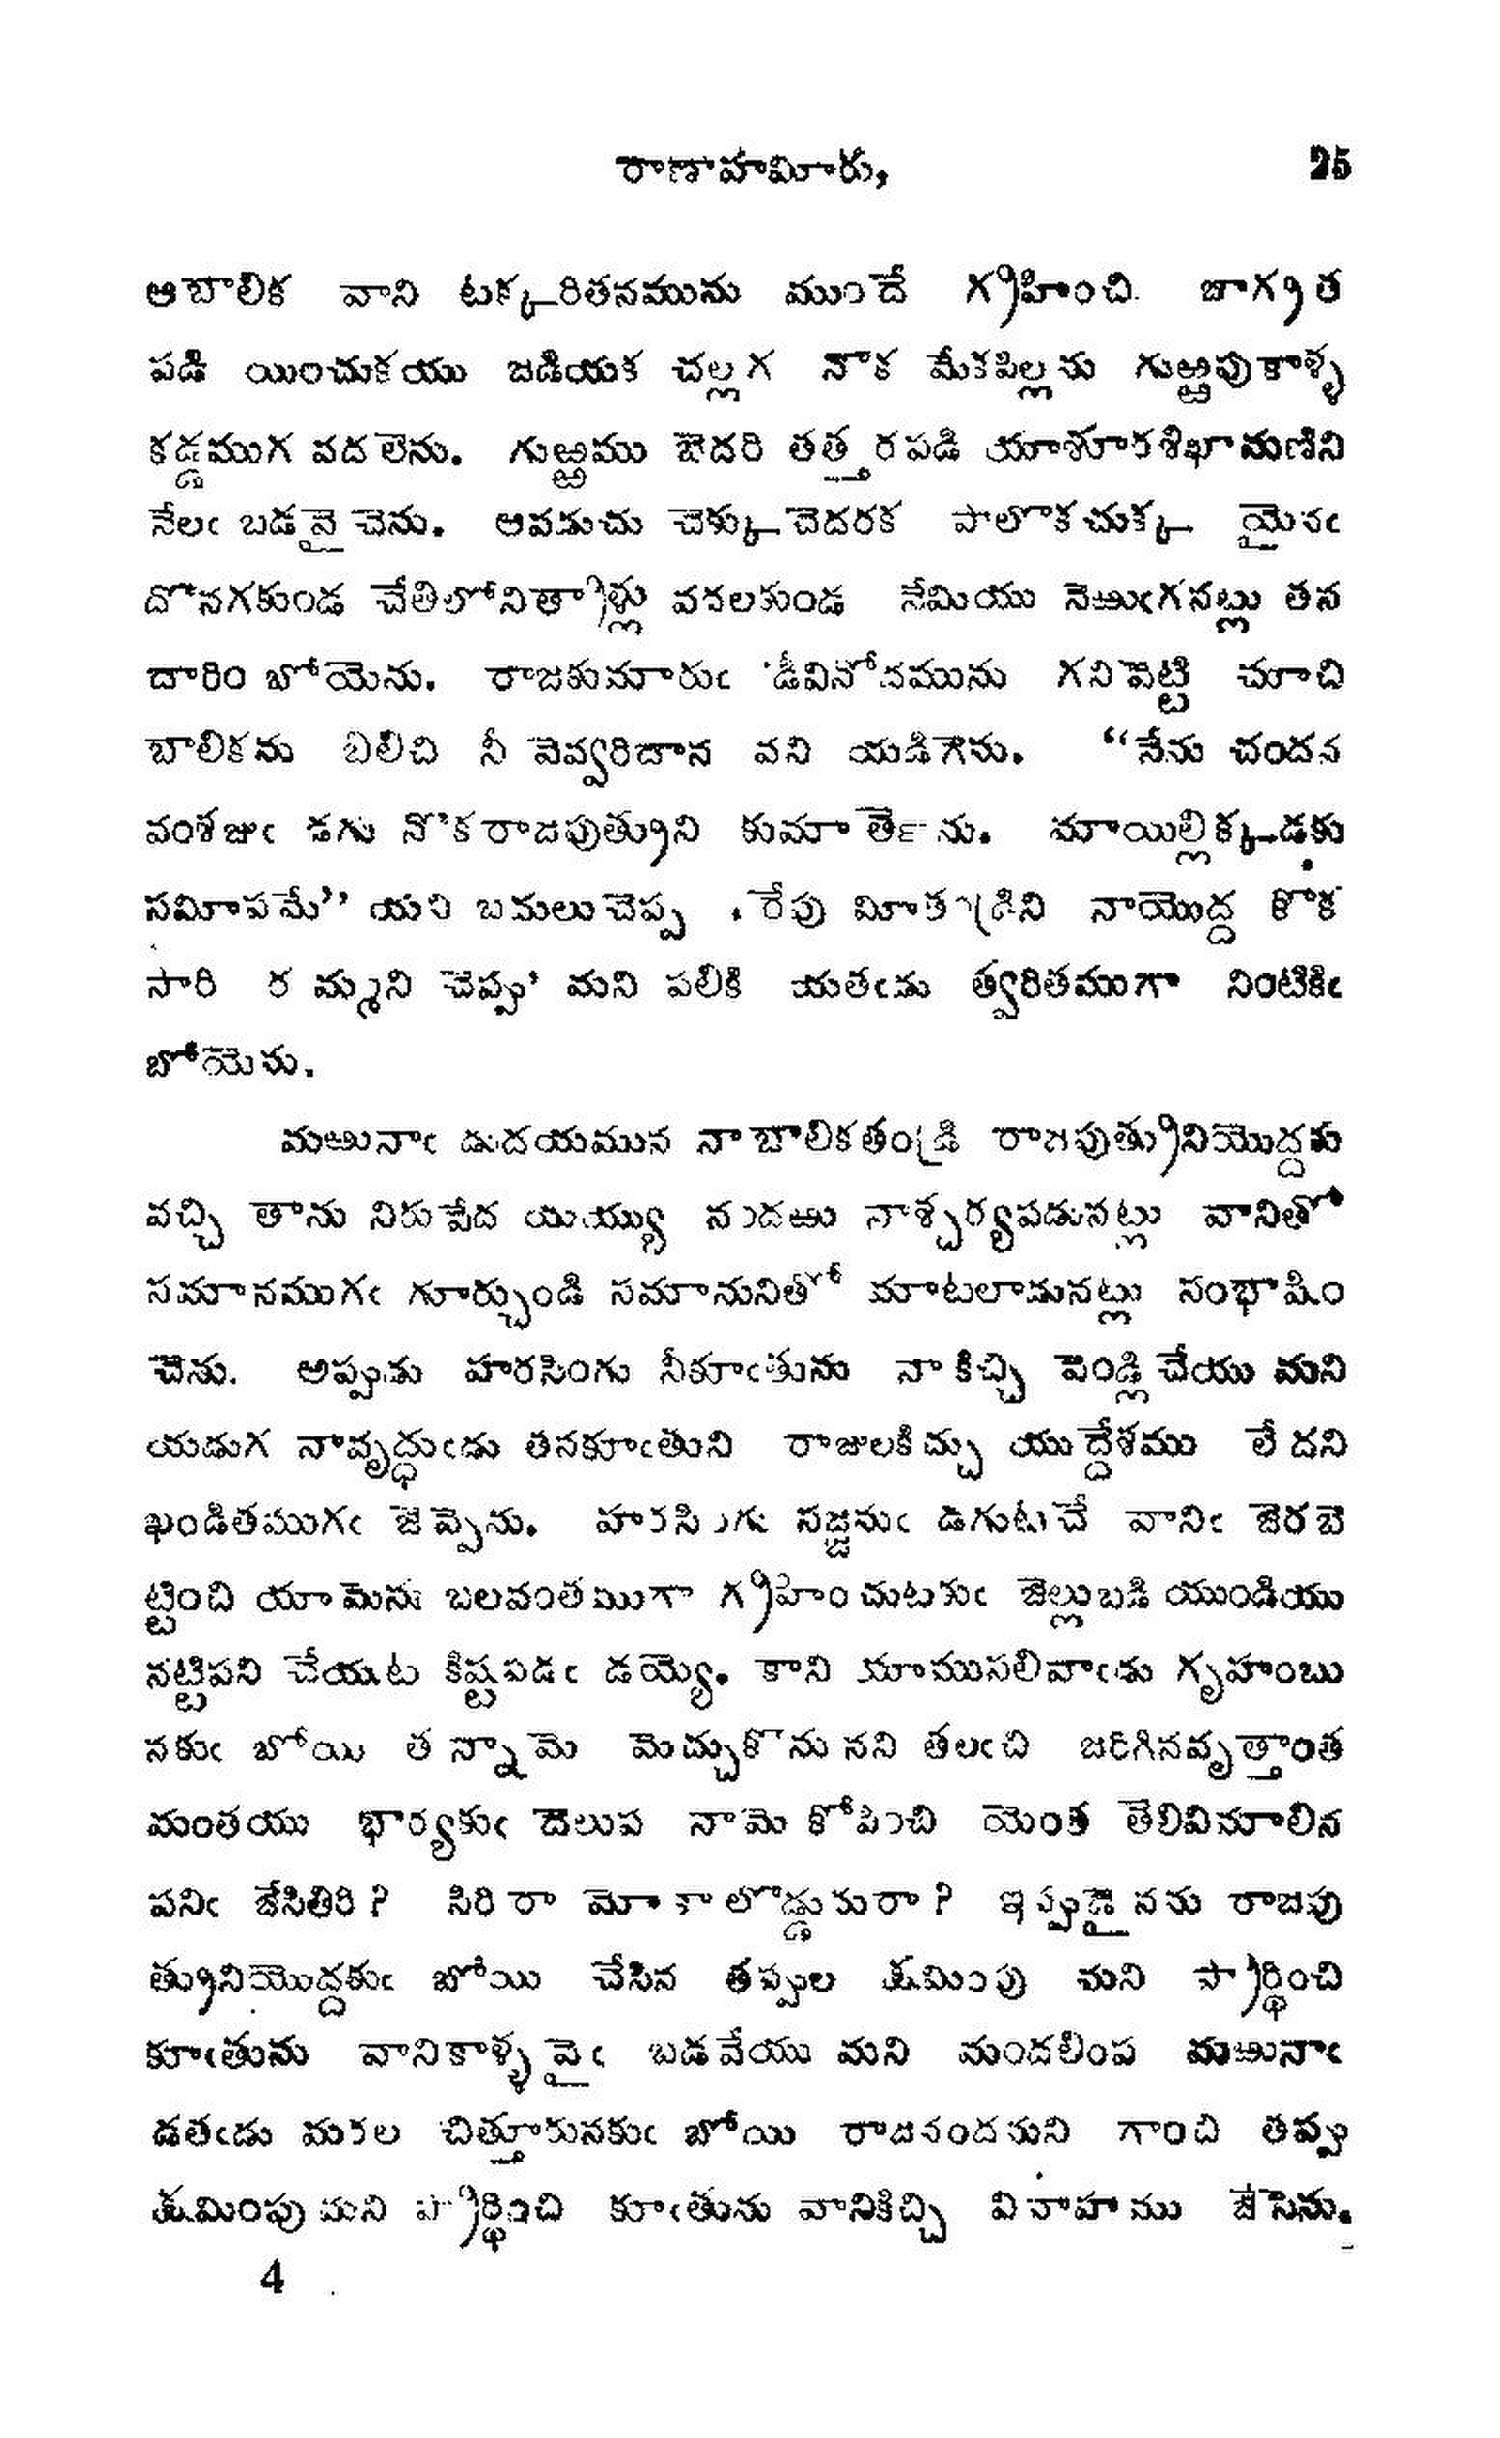ఆ బాలిక వాని టక్కరితనమును ముందే గ్రహించి. జాగ్రతపడి యించుకయు జడియక చల్లగ నొక మేకపిల్లను గుఱ్ఱపుకాళ్ళ కడ్డముగ వదలెను. గుఱ్ఱము బెదరి తత్తర పడి యాశూరశిఖామణిని నేలఁ బడవైచెను. ఆపడుచు చెక్కు చెదరక పాలొకచుక్క యైనఁ దొనగకుండ చేతిలోని తాళ్లు వదలకుండ నేమియు నెఱుఁగనట్లు తన దారిం బోయెను. రాజకుమారుఁ 'డీవినోదమును గనిపెట్టి చూచి బాలికను పిలిచి నీ వెవ్వరిదాన వని యడిగెను. “నేను చందన వంశజుఁ డగు నొక రాజపుత్రుని కుమా తే౯ను. మాయిల్లిక్కడకు సమీపమే” యని బదులు చెప్ప. రేపు మీతండ్రిని నాయొద్ద కోకసారి రమ్మని చెప్పు' మని పలికి యతఁడు త్వరితముగా నింటికిఁ బోయెను.

మఱునాఁ డుదయమున నా బాలిక తండ్రి రాజపుత్రుని యొద్దకు వచ్చి తాను నిరుపేద యయ్యు నందఱు నాశ్చర్యపడునట్లు వానితో సమానముగఁ గూర్చుండి సమానునితో మాటలాడునట్లు సంభాషించెను. అప్పుడు హరసింగు నీకూఁతును నా కిచ్చి పెండ్లి చేయు మని యడుగ నావృద్ధుఁడు తనకూఁతుని రాజులకిచ్చు యుద్దేశము లేదని ఖండితముగఁ జెప్పెను. హరసింగు సజ్జనుఁ డగుటచే వానిఁ జెరబెట్టించి యామెను బలవంతముగా గ్రహించుటకుఁ జెల్లుబడి యుండియు నట్టిపని చేయుట కిష్టపడఁ డయ్యె. కానీ యాముసలివాఁడు గృహంబునకుఁ బోయి తన్నామె మెచ్చుకొను నని తలఁచి జరిగిన వృత్తాంత మంతయు భార్యకుఁ దెలుప నామె కోపించి యెంత తెలివిమాలిన పనిఁ చేసితిరి? సిరిరా మోకాలొడ్డుదురా? ఇప్పుడైనను రాజపుత్రుని యొద్దకుఁ బోయి చేసిన తప్పుల క్షమింపు మని ప్రార్థించి కూఁతును వాని కాళ్ళపైఁ బడ వేయు మని మందలింప మఱునాఁడతఁడు మరల చిత్తూరునకుఁ బోయి రాజనందనుని గాంచి తప్పు క్షమింపు మని ప్రార్థించి కూఁతును వానికిచ్చి వివాహము చేసెను.